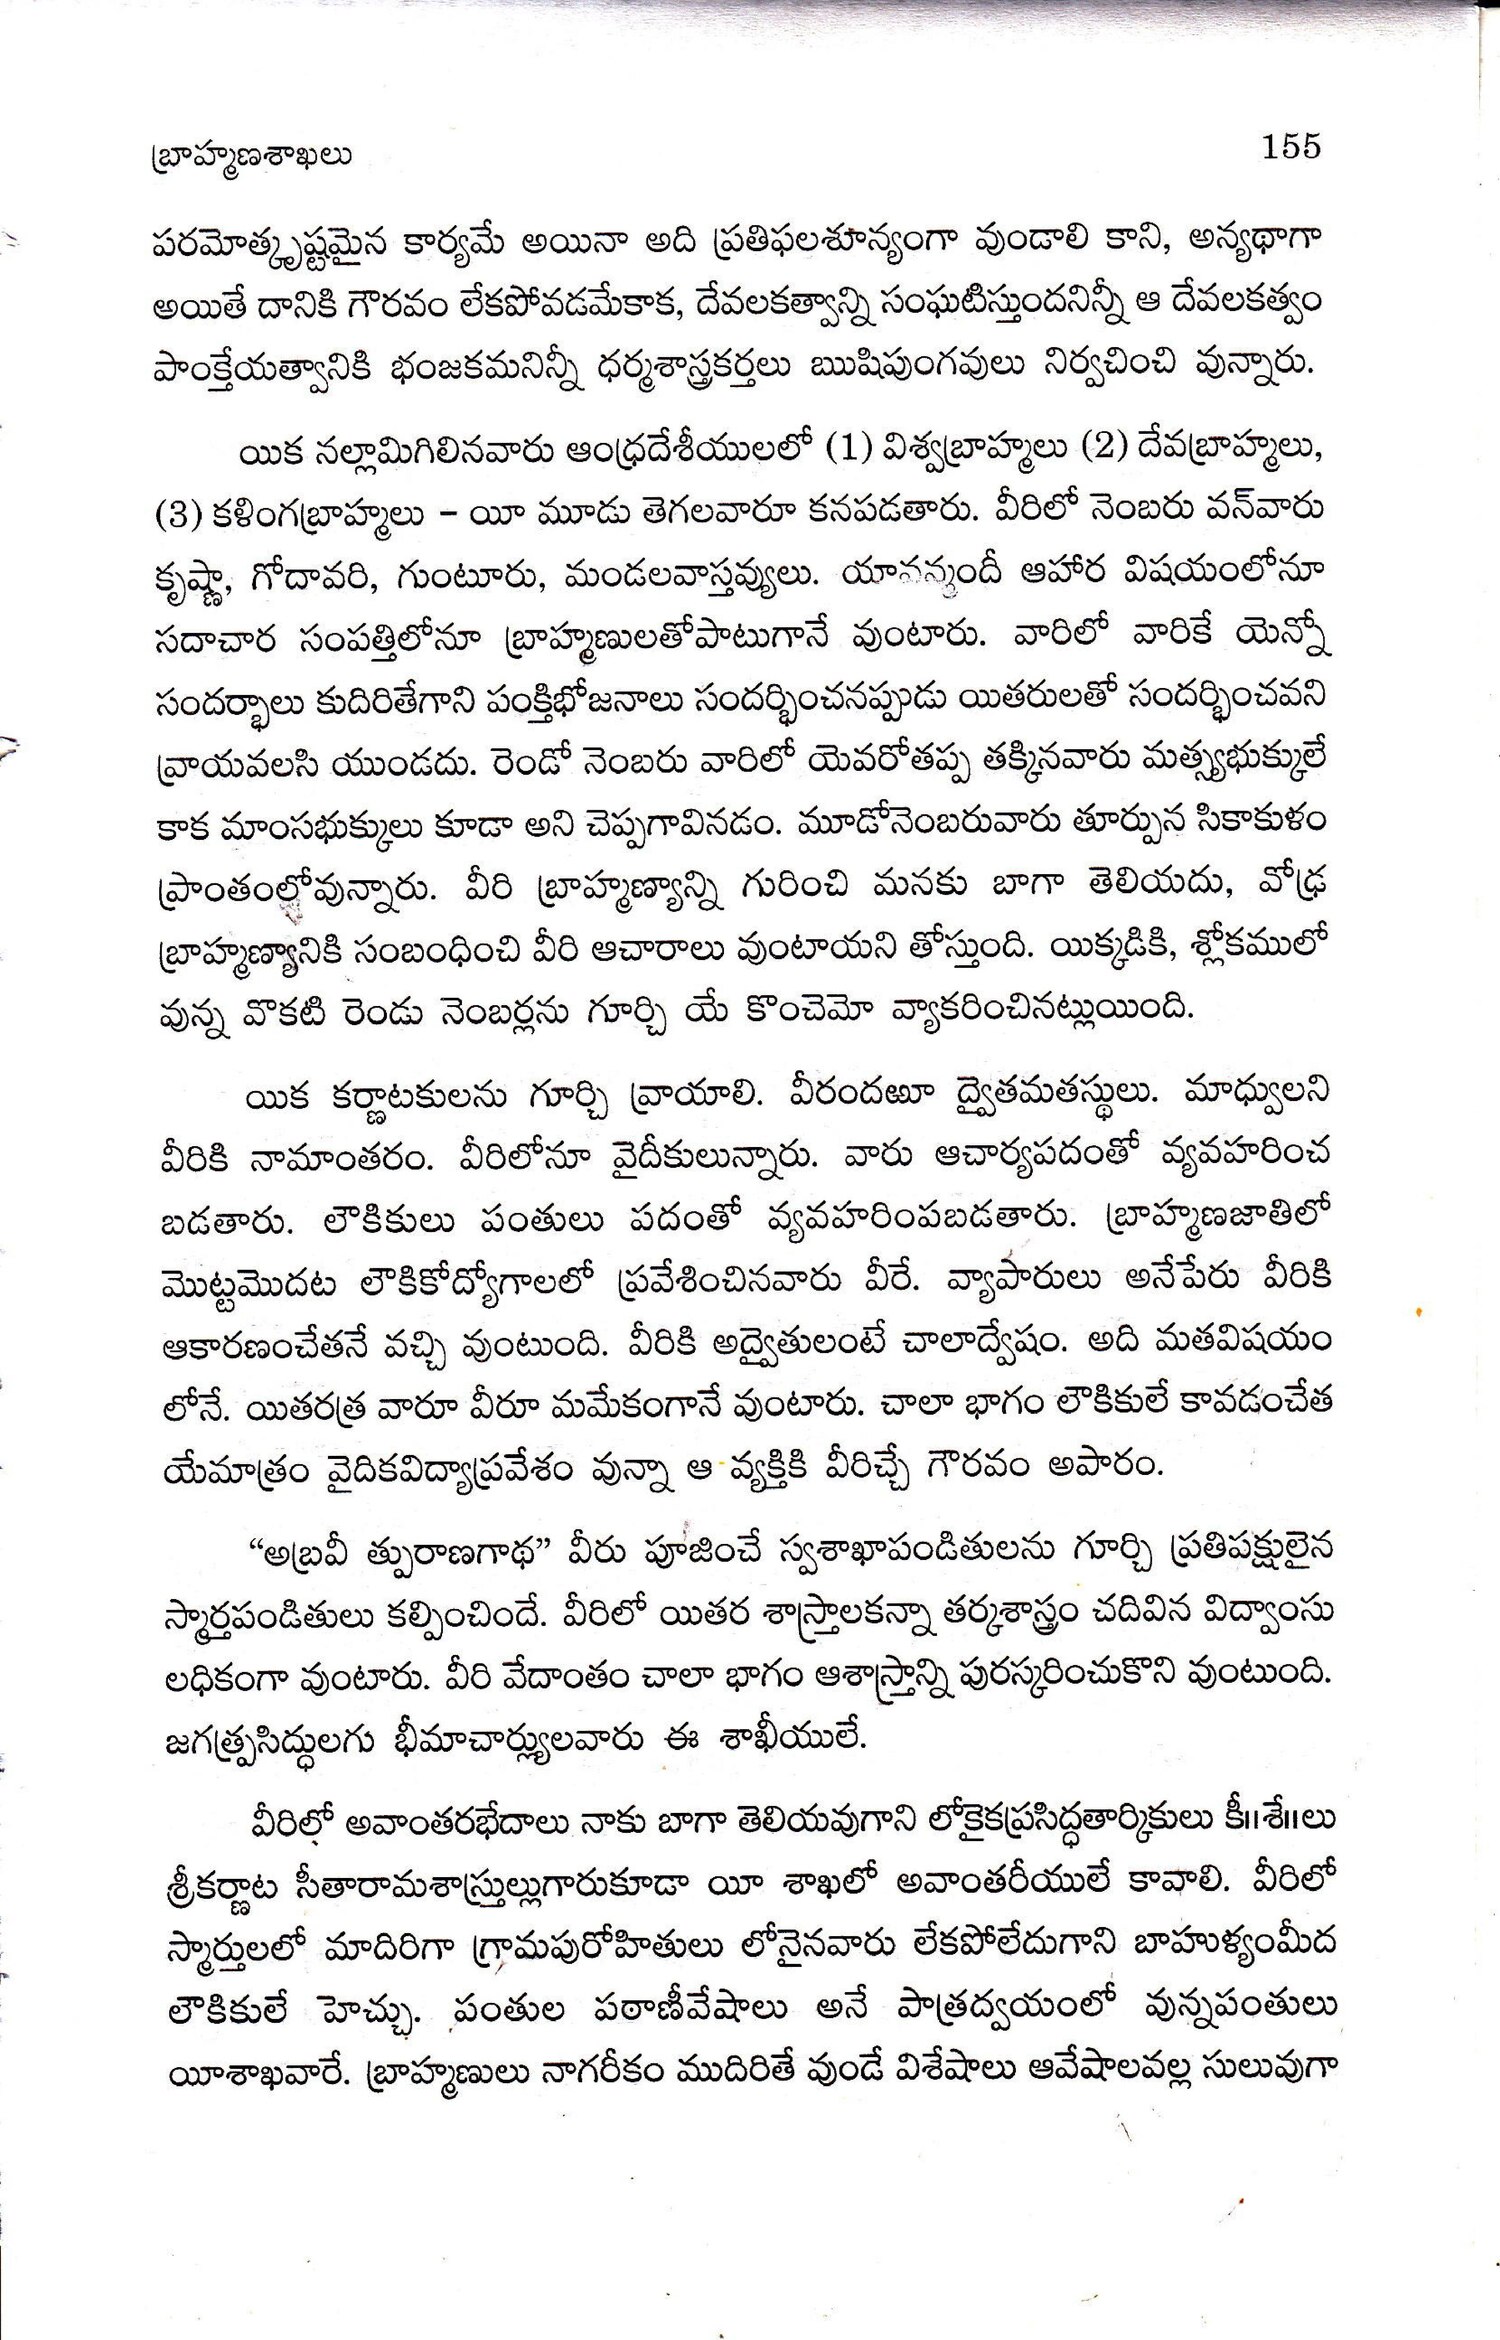పరమోత్కృష్టమైన కార్యమే అయినా అది ప్రతిఫలశూన్యంగా వుండాలి కాని, అన్యథాగా అయితే దానికి గౌరవం లేకపోవడమేకాక, దేవలకత్వాన్ని సంఘటిస్తుందనిన్నీ ఆ దేవలకత్వం పాంక్తేయత్వానికి భంజకమనిన్నీ ధర్మశాస్త్రకర్తలు ఋషిపుంగవులు నిర్వచించి వున్నారు.

యిక నల్లామిగిలినవారు ఆంధ్రదేశీయులలో (1) విశ్వబ్రాహ్మలు (2) దేవ బ్రాహ్మలు, (3) కళింగబ్రాహ్మలు - యీ మూడు తెగలవారూ కనపడతారు. వీరిలో నెంబరు వన్‌వారు కృష్ణా, గోదావరి, గుంటూరు, మండలవాస్తవ్యులు. యావన్మందీ ఆహార విషయంలోనూ సదాచార సంపత్తిలోనూ బ్రాహ్మణులతోపాటుగానే వుంటారు. వారిలో వారికే యెన్నో సందర్భాలు కుదిరితేగాని పంక్తిభోజనాలు సందర్భించనప్పుడు యితరులతో సందర్భించవని వ్రాయవలసి యుండదు. రెండో నెంబరు వారిలో యెవరోతప్ప తక్కినవారు మత్స్యభుక్కులే కాక మాంసభుక్కులు కూడా అని చెప్పగావినడం. మూడోనెంబరువారు తూర్పున సికాకుళం ప్రాంతంలోవున్నారు. వీరి బ్రాహ్మణ్యాన్ని గురించి మనకు బాగా తెలియదు, వోఢ్ర బ్రాహ్మణ్యానికి సంబంధించి వీరి ఆచారాలు వుంటాయని తోస్తుంది. యిక్కడికి, శ్లోకములో వున్న వొకటి రెండు నెంబర్లను గూర్చి యే కొంచెమో వ్యాకరించినట్లుయింది.

యిక కర్ణాటకులను గూర్చి వ్రాయాలి. వీరందఱూ ద్వైతమతస్టులు. మాధ్వులని వీరికి నామాంతరం. వీరిలోనూ వైదీకులున్నారు. వారు ఆచార్యపదంతో వ్యవహరించ బడతారు. లౌకికులు పంతులు పదంతో వ్యవహరింపబడతారు. బ్రాహ్మణజాతిలో మొట్టమొదట లౌకికోద్యోగాలలో ప్రవేశించినవారు వీరే. వ్యాపారులు అనేపేరు వీరికి ఆకారణంచేతనే వచ్చి వుంటుంది. వీరికి అద్వైతులంటే చాలాద్వేషం. అది మతవిషయం లోనే. యితరత్ర వారూ వీరూ మమేకంగానే వుంటారు. చాలా భాగం లౌకికులే కావడంచేత యేమాత్రం వైదికవిద్యాప్రవేశం వున్నా ఆ వ్యక్తికి వీరిచ్చే గౌరవం అపారం.

"అబ్రవీ త్పురాణగాథ" వీరు పూజించే స్వశాఖాపండితులను గూర్చి ప్రతిపక్షులైన స్మార్తపండితులు కల్పించిందే. వీరిలో యితర శాస్త్రాలకన్నా తర్కశాస్త్రం చదివిన విద్వాంసు లధికంగా వుంటారు. వీరి వేదాంతం చాలా భాగం ఆశాస్త్రాన్ని పురస్కరించుకొని వుంటుంది. జగత్ర్పసిద్దులగు భీమాచార్ల్యులవారు ఈ శాఖీయులే.

వీరిలో అవాంతరభేదాలు నాకు బాగా తెలియవుగాని లోకైకప్రసిద్ధతార్కికులు కీ||శే||లు శ్రీకర్ణాట సీతారామశాస్త్రుల్లుగారుకూడా యీ శాఖలో అవాంతరీయులే కావాలి. వీరిలో స్మార్తులలో మాదిరిగా గ్రామపురోహితులు లోనైనవారు లేకపోలేదుగాని బాహుళ్యంమీద లౌకికులే హెచ్చు. పంతుల పఠాణీవేషాలు అనే పాత్రద్వయంలో వున్నపంతులు యీశాఖవారే. బ్రాహ్మణులు నాగరీకం ముదిరితే వుండే విశేషాలు ఆవేషాలవల్ల సులువుగా